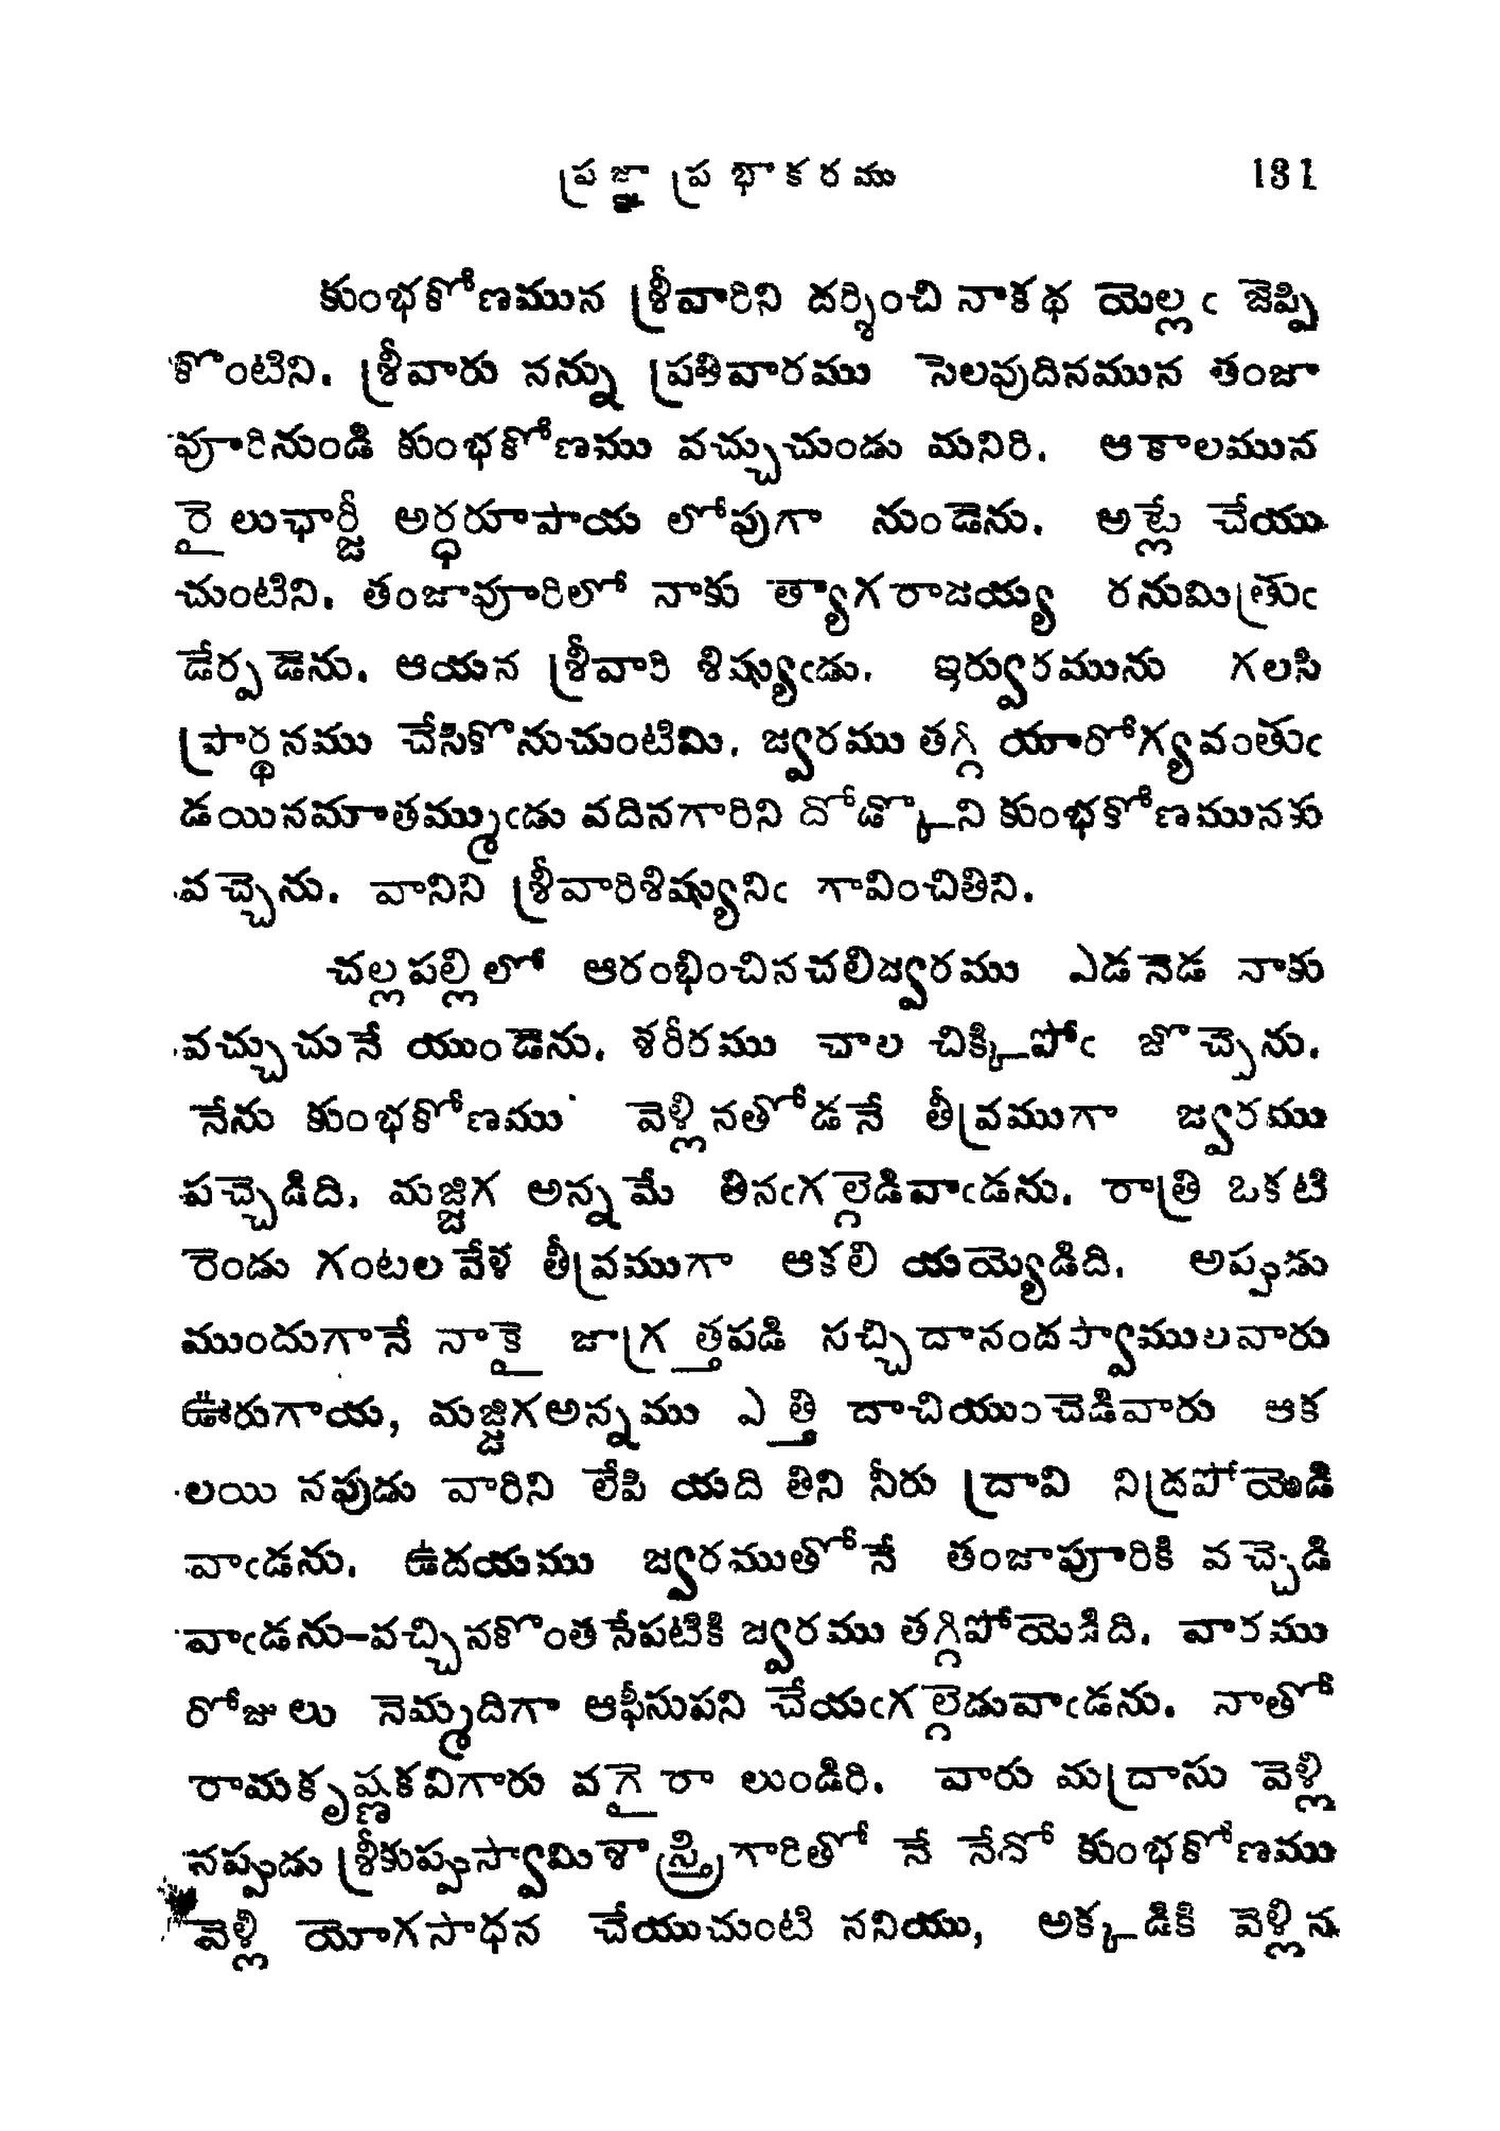కుంభకోణమున శ్రీ వారిని దర్శించి నాకధ యెల్లఁ జెప్పికొంటిని. శ్రీ వారు నన్ను ప్రతివారము సెలవు దినమున తంజావూరి నుండి కుంభకోణము వచ్చుచుండు మనిరి. ఆ కాలమున రైలుఛా ర్జీ అర్ధరూపాయ లోపుగా నుండెను. అట్లే చేయుచుంటిని. తంజావూరిలో నాకుత్యాగరాజయ్య రను మిత్రుఁ డేర్పడెను. ఆయన శ్రీవారి శిష్యుఁడు. ఇర్వురమును గలసి ప్రార్ధనము చేసుకొను చుంటి మి. జ్వరము తగ్గి యారోగ్య వంతుఁ డయిన మాతమ్ముఁడు వదిన గారిని దోడ్కొని కుంభకోణమునకు వచ్చెను. వానిని శ్రీవారి శిష్యునిఁ గావించితిని. 

 చల్లపల్లిలో ఆరంభించిన చలిజ్వరము ఎడనెడ నాకు నేను కుంభకోణము వెళ్ళిన తోడనే తీవ్రముగా జ్వరము వచ్చెడిది. మజ్జిగ అన్నమే తినఁ గల్గెడి వాఁ డను. రాత్రి ఒకటి రెండు గంటల వేళ తీవ్రముగా ఆకలి యయ్యెడిది. అప్పుడు ముందుగానే నాకై జాగ్రత్త పడి సచ్చిదా నంద స్వాముల వారు ఊరుగాయ, మజ్జిగ అన్నము ఎత్తి దాచి యుంచెడివారు. ఆకలయి నపుడు వారిని లేపి యది తిని నీరు ద్రావి నిద్రపోయెడి వాఁడన. ఉదయము జ్వరముతో నే తంజావూరికి వచ్చెడి వాఁ డను-వచ్చిన కొంత సేపటికి జ్వరము తగ్గిపోయెడిది. వారమురోజులు నెమ్మదిగా ఆఫీసు పని చేయఁ గల్గెడు వాఁ డను. నాతో రామకృష్ణ కవిగారు వగైరా లుండిరి. వారు మద్రాసు వెళ్ళినప్పుడు శ్రీ కుప్పు స్వామి శాస్త్రిగారితో నేనేదో కుంభకోణము వెళ్ళి యోగసాధనము చేయుచుంటి ననియు, అక్కడికి వెళ్ళిన